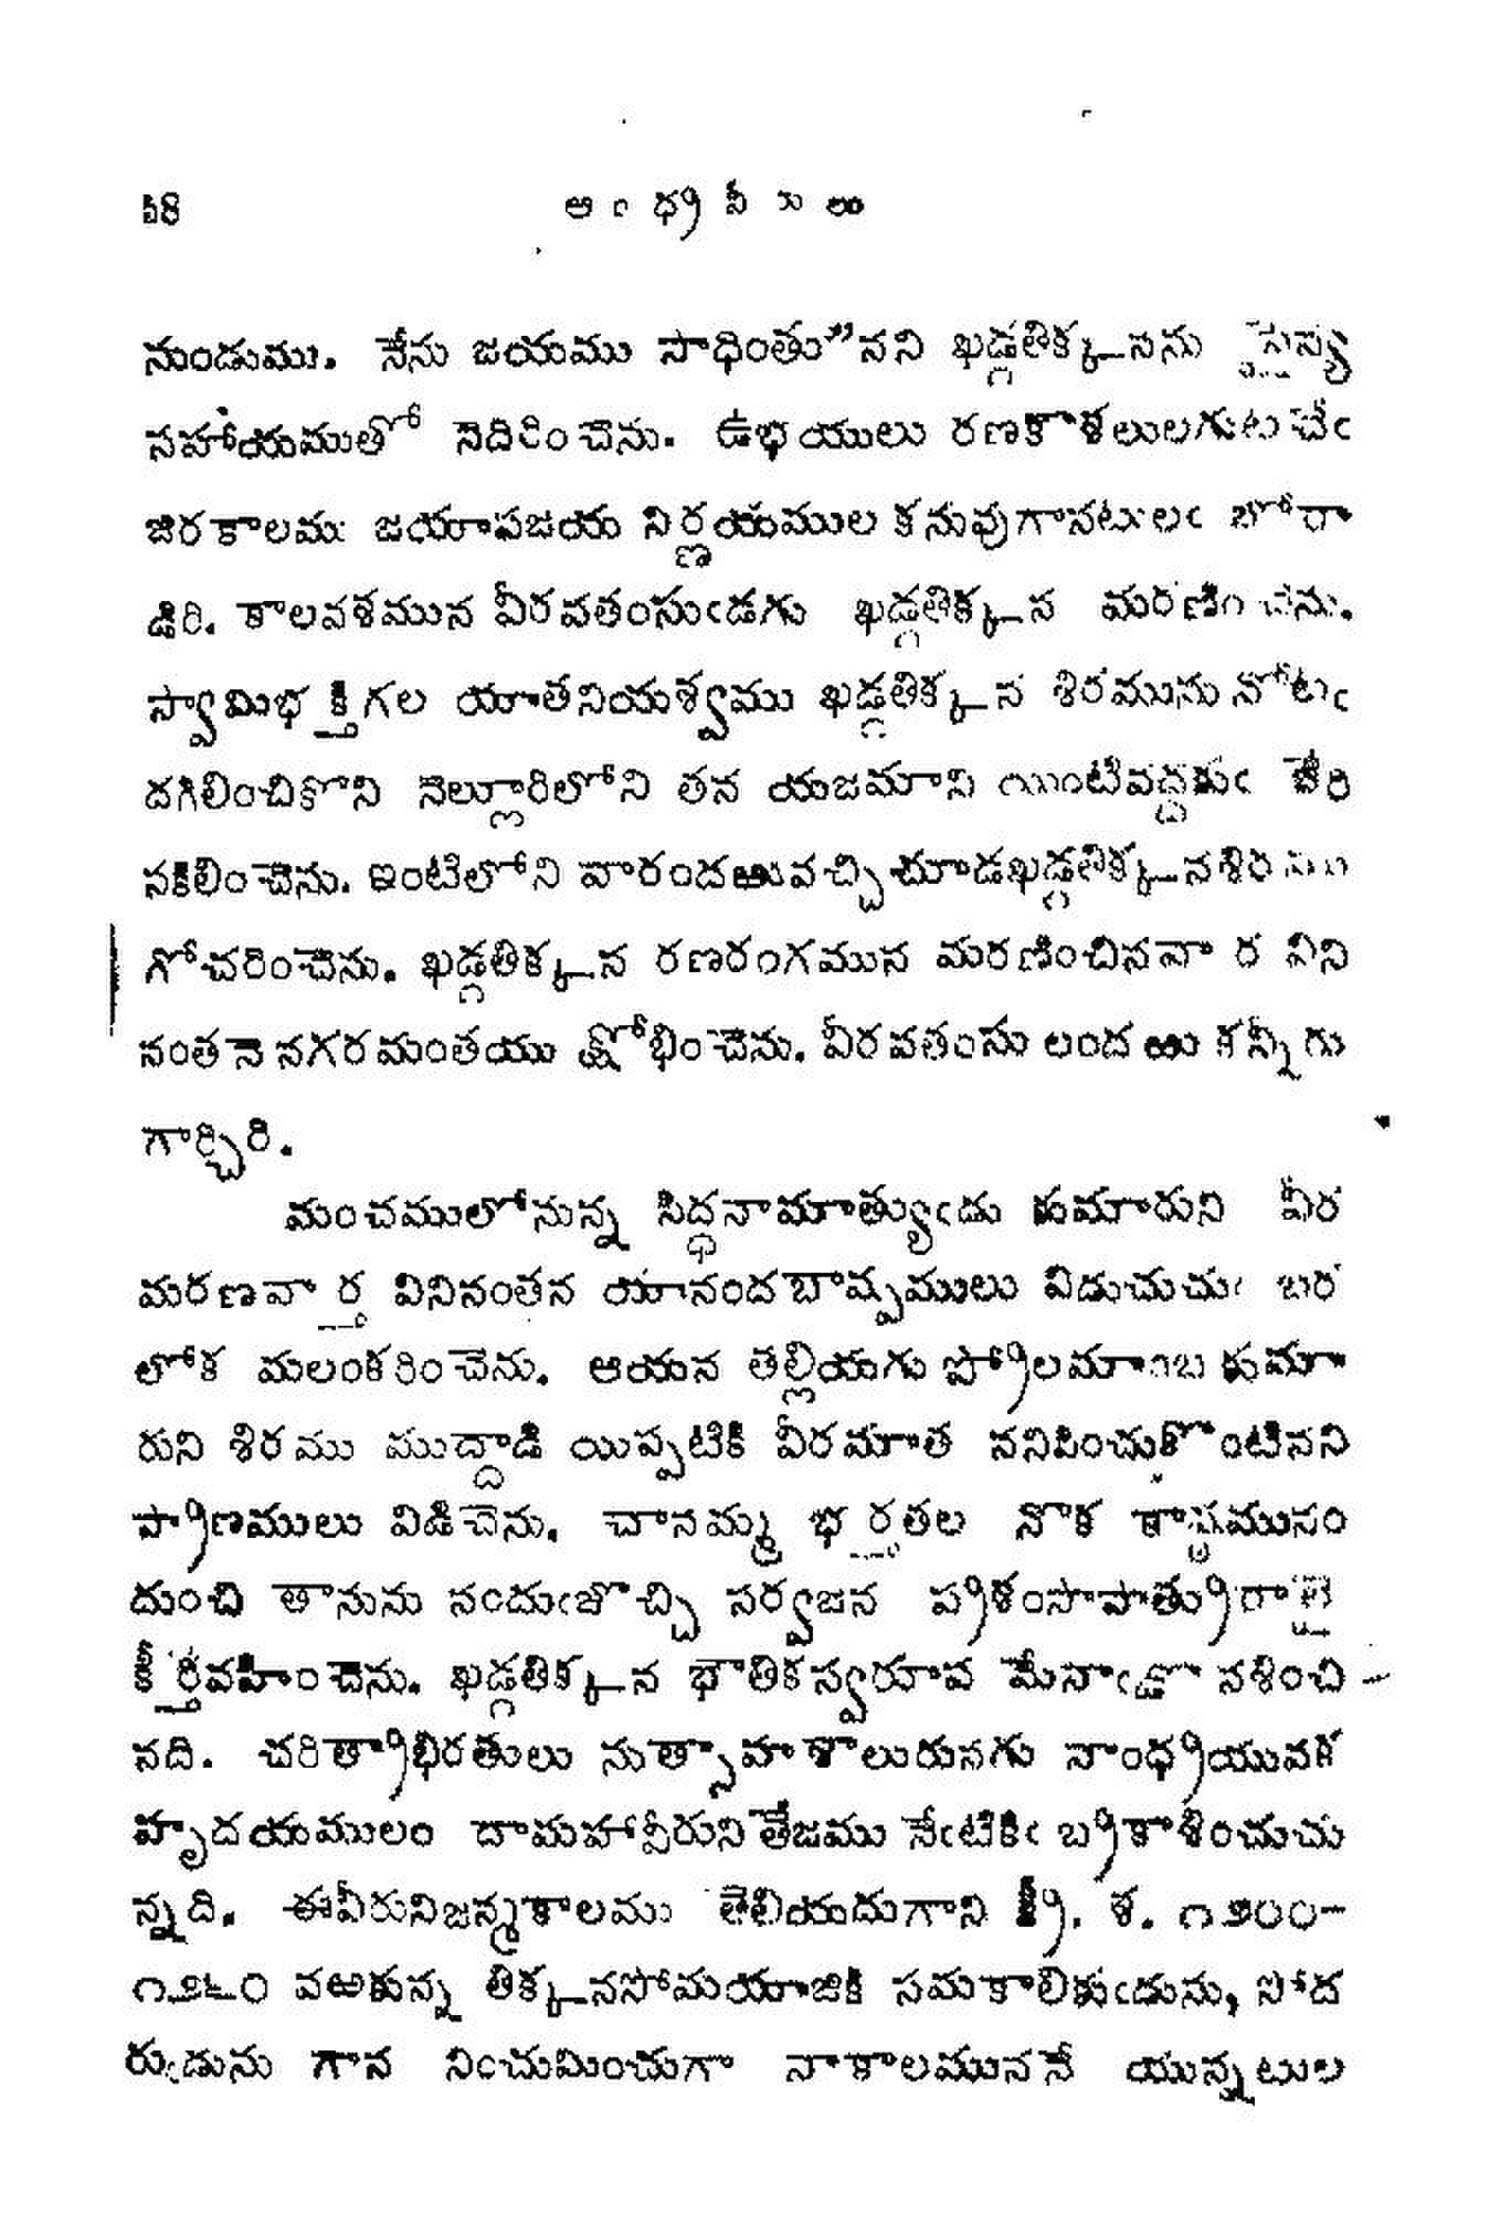నుండుము. నేను జయము సాధింతు"నని ఖడ్గతిక్కనను సైన్య సహాయముతో నెదిరించెను. ఉభయులు రణకౌశలులగుటచే జిరకాలము జయాపజయ నిర్ణయముల కనువుగానటుల బోరాడిరి. కాలవశమున వీరవతంసుడగు ఖడ్గతిక్కన మరణించెను. స్వామిభక్తిగల యాతనియశ్వము ఖడ్గతిక్కన శిరమును నోట దగిలించుకొని నెల్లూరిలోని తన యజమాని యింటివద్దకు జేరి సకిలించెను. ఇంటిలోని వారందఱువచ్చి చూడఖడ్గతిక్కనశిరము గోచరించెను. ఖడ్గతిక్కన రణరంగమున మరణించినవా ర్త వినినంతనె నగరమంతయు క్షోభించెను. వీరవతంసు లందఱు కన్నీరు గార్చిరి.

మంచములోనున్న సిద్ధానామాత్యుడు కుమారుని వీరమరణవార్త వినినంతన యానందబాష్పములు విడుచుచు బరలోక మలంకరించెను. ఆయన తల్లియగు ప్రోలమాంబ కుమారుని శిరము ముద్దాడి యిప్పటికి వీరమాత ననిపించుకొంటినని ప్రాణములు విడిచెను. చానమ్మ భర్తతల నొక కాష్ఠమునందుంచి తానును నందుజొచ్చి సర్వజన ప్రశంసాపాత్రురాలై కీర్తివహించెను. ఖడ్గతిక్కన భౌతికస్వరూప మేనాడో నశించినది. చరిత్రాభిరతులు నుత్సాహశాలురునగు నాంధ్రయువక హృదయములం దామహావీరునితేజము నేటికి బ్రకాశించుచున్నది. ఈవీరునిజన్మకాలము తెలియదుగాని క్రీ.శ. 1200-1260 వఱకున్న తిక్కనసోమయాజికి సమకాలికుడును, సోదరుడును గాన నించుమించుగా నాకాలముననే యున్నటుల